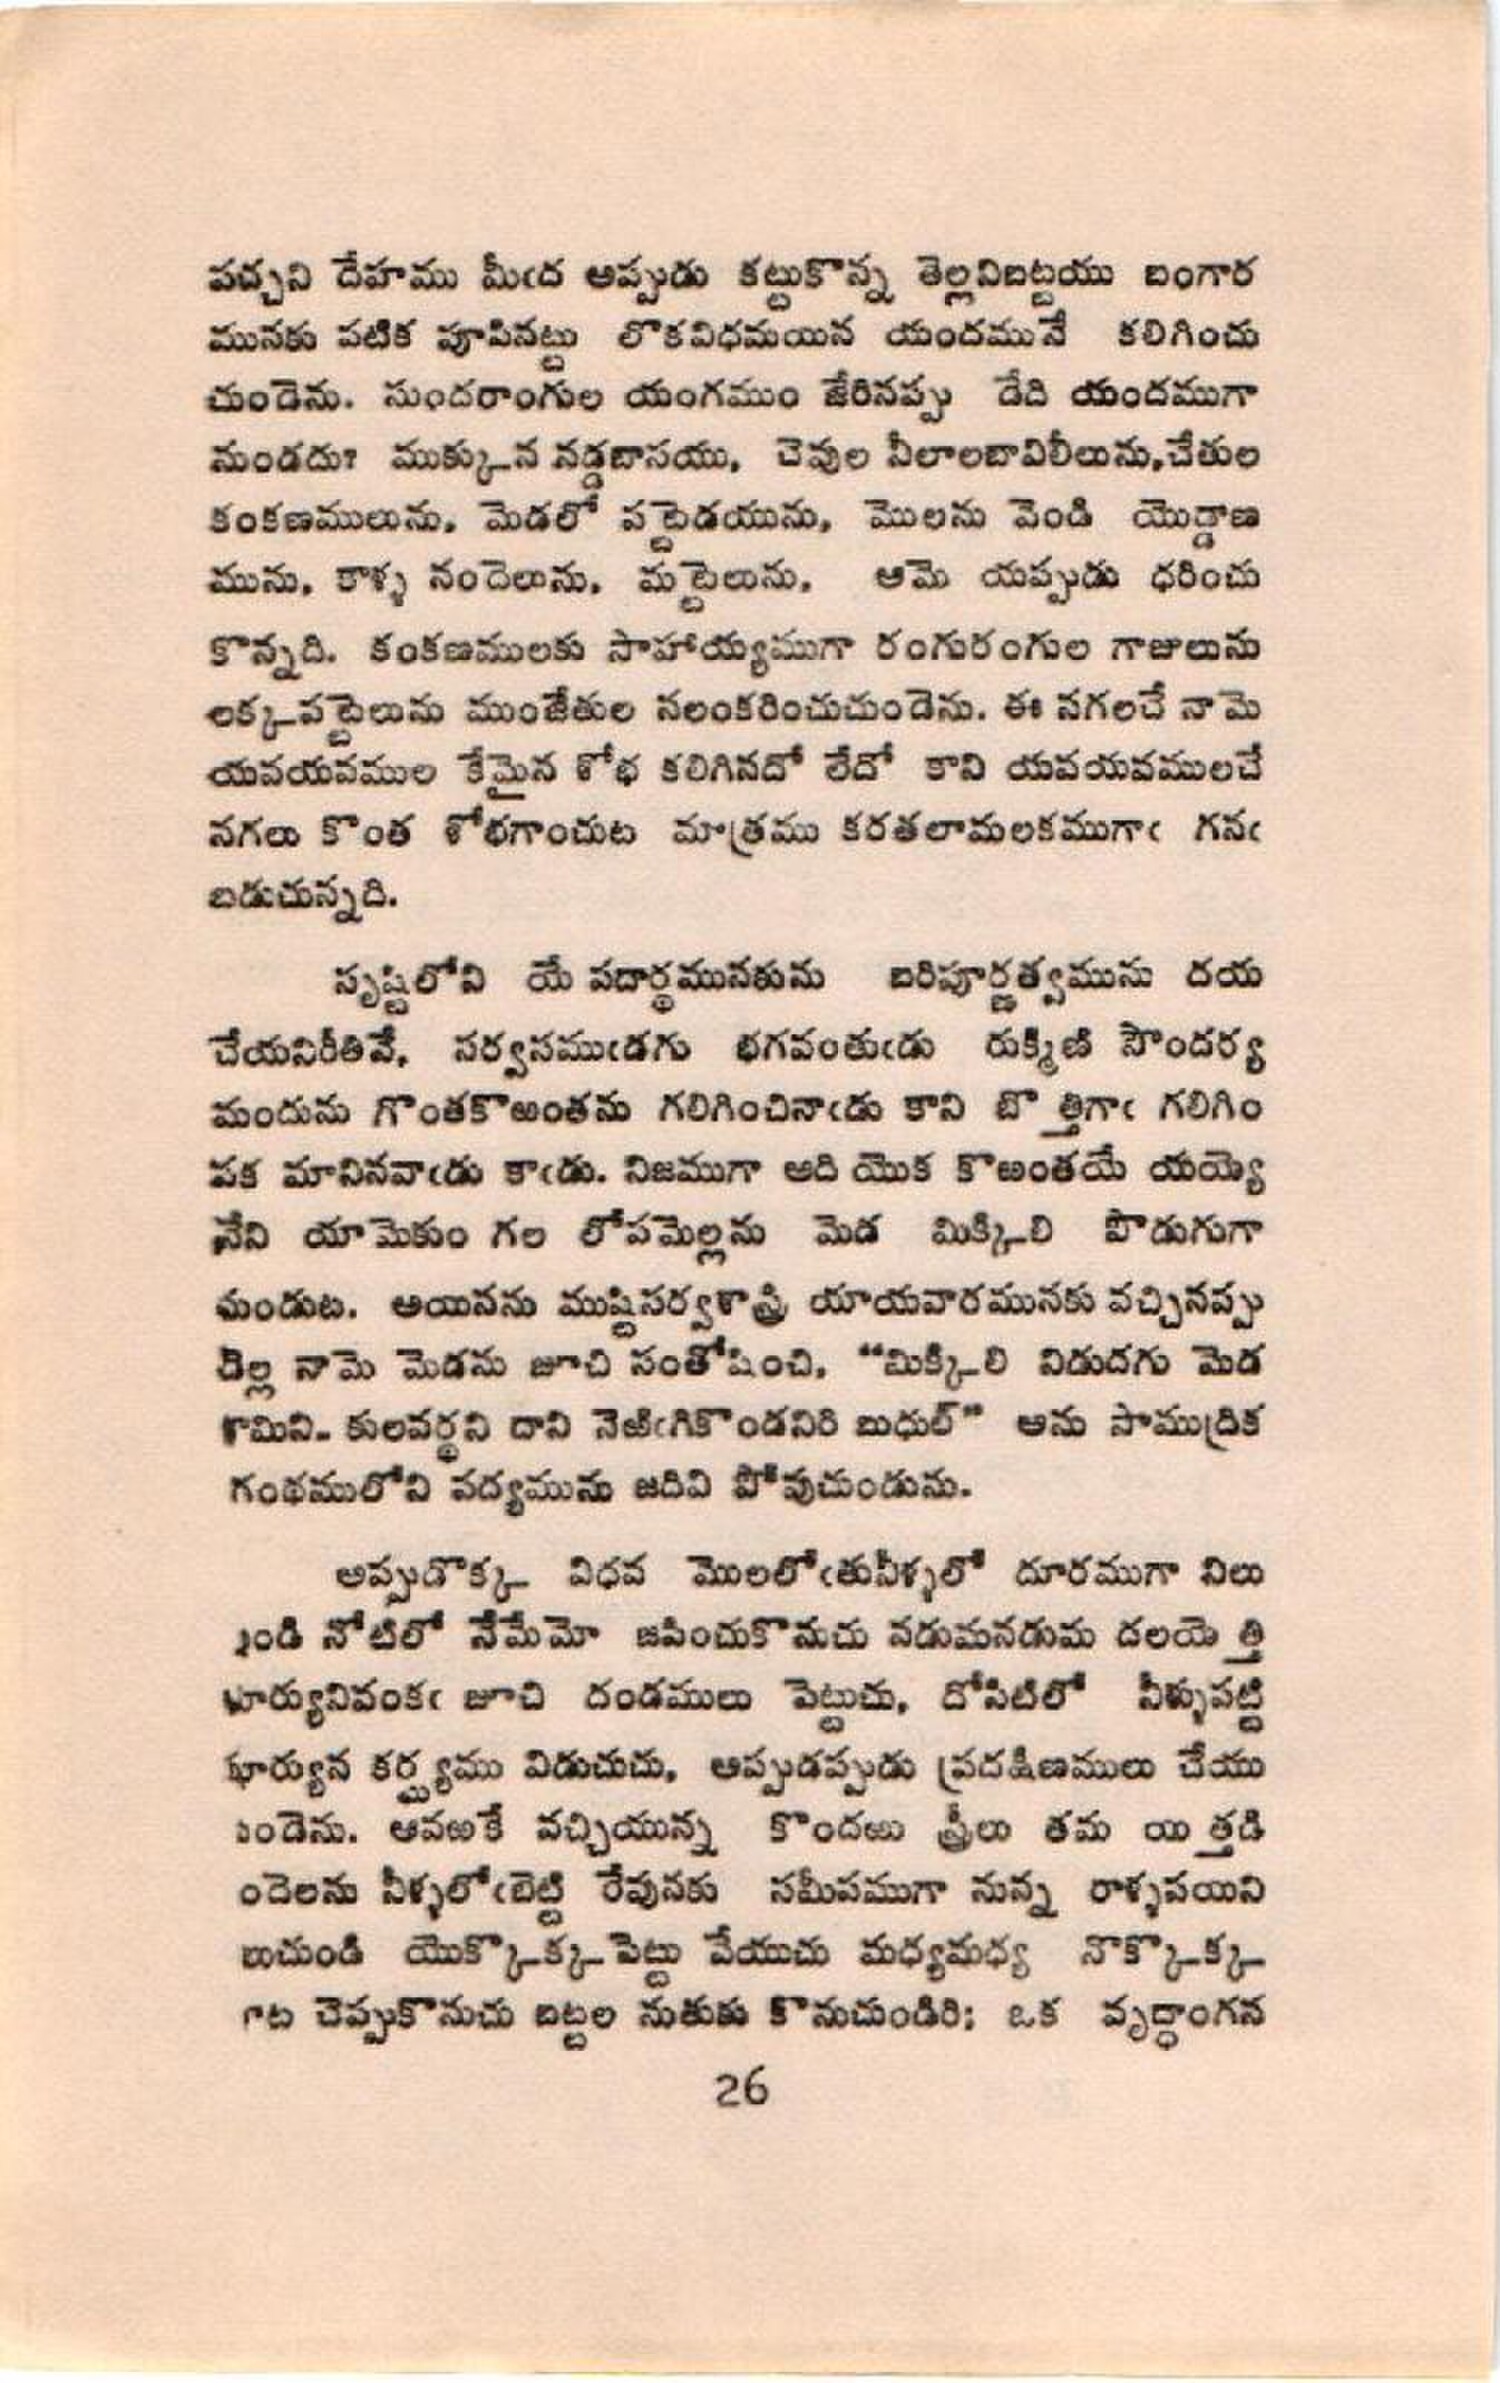పచ్చని దేహము మీఁద అప్పడు కట్టుకొన్న తెల్లనిబట్టయు బంగార మునకు పటిక పూసినట్టు లొకవిధమయిన యందమునే కలిగించు చుండెను. సుందరాంగుల యంగముం జేరినప్పు డేది యందముగా నుండదు? ముక్కున నడ్డబాసయు, చెవుల నీలాలబావిలీలును,చేతుల కంకణములను, మెడలో పట్టెడయును, మొలను వెండి యొడ్డాణమును, కాళ్ళ నందెలను, మట్టెలును, ఆమె యప్పుడు ధరించు కొన్నది. కంకణములకు సాహాయ్యముగా రంగురంగుల గాజులును లక్కపట్టెలును ముంజేతుల నలంకరించుచుండెను. ఈ నగలచే నామె యవయవముల కేమైన శోభ కలిగినదో లేదో కాని యవయవములచే నగలు కొంత శోభగాంచుట మాత్రము కరతలామలకముగాఁ గనఁ బడుచున్నది.

సృష్టిలోని యే పదార్ధమునకును బరిపూర్ణత్వమును దయ చేయనిరీతినే, సర్వసముఁడగు భగవంతుఁడు రుక్మిణి సౌందర్య మందును గొంతకొఱంతను గలిగించినాఁడు కాని బొత్తిగాఁ గలిగిం పక మానినవాఁడు కాఁడు. నిజముగా అది యొక కొఱంతయే యయ్యె నేని యా మెకుం గల లోపమెల్లను మెడ మిక్కిలి పొడుగుగా నుండుట. అయినను ముష్టిసర్వశాస్త్రి యాయవారమునకు వచ్చినప్ప డెల్ల నామె మెడను జూచి సంతోషించి, "మిక్కిలి విడుదగు మెడ శామివి. కులవర్ధని దాని నెఱిగికొడనిరి మిధుల్" అను సాముద్రిక గంథములోని వద్యమును జదివి పోవుచుండును.

అప్పుడొక్క విధవ మొలలోఁతునీళ్ళలో దూరముగా నిలుచుండి నోటిలో నేమేమో జపించుకొనుచు నడుమనడుమ దలయెత్తి సూర్యుని వంకఁ జూచి దండములు పెట్టుచు, దోసిటీలో నీళ్ళుపట్టి సూర్యున కర్ఘ్యము విడుచుచు, అప్పుడప్పుడు ప్రదక్షిణములు చేయు చుండెను. ఆవఱకే వచ్చియున్న కొందఱు స్త్రీలు తమ యిత్తడి బిందెలను నీళ్ళలోఁబెట్టి రేవునకు సమీపముగా నున్న రాళ్ళపయినిలుచుండి నొక్కొక్క మాట చెప్పుకొనుచు బట్టల నుతుకు కొనుచుండిరి; ఒక వృద్దాంగన